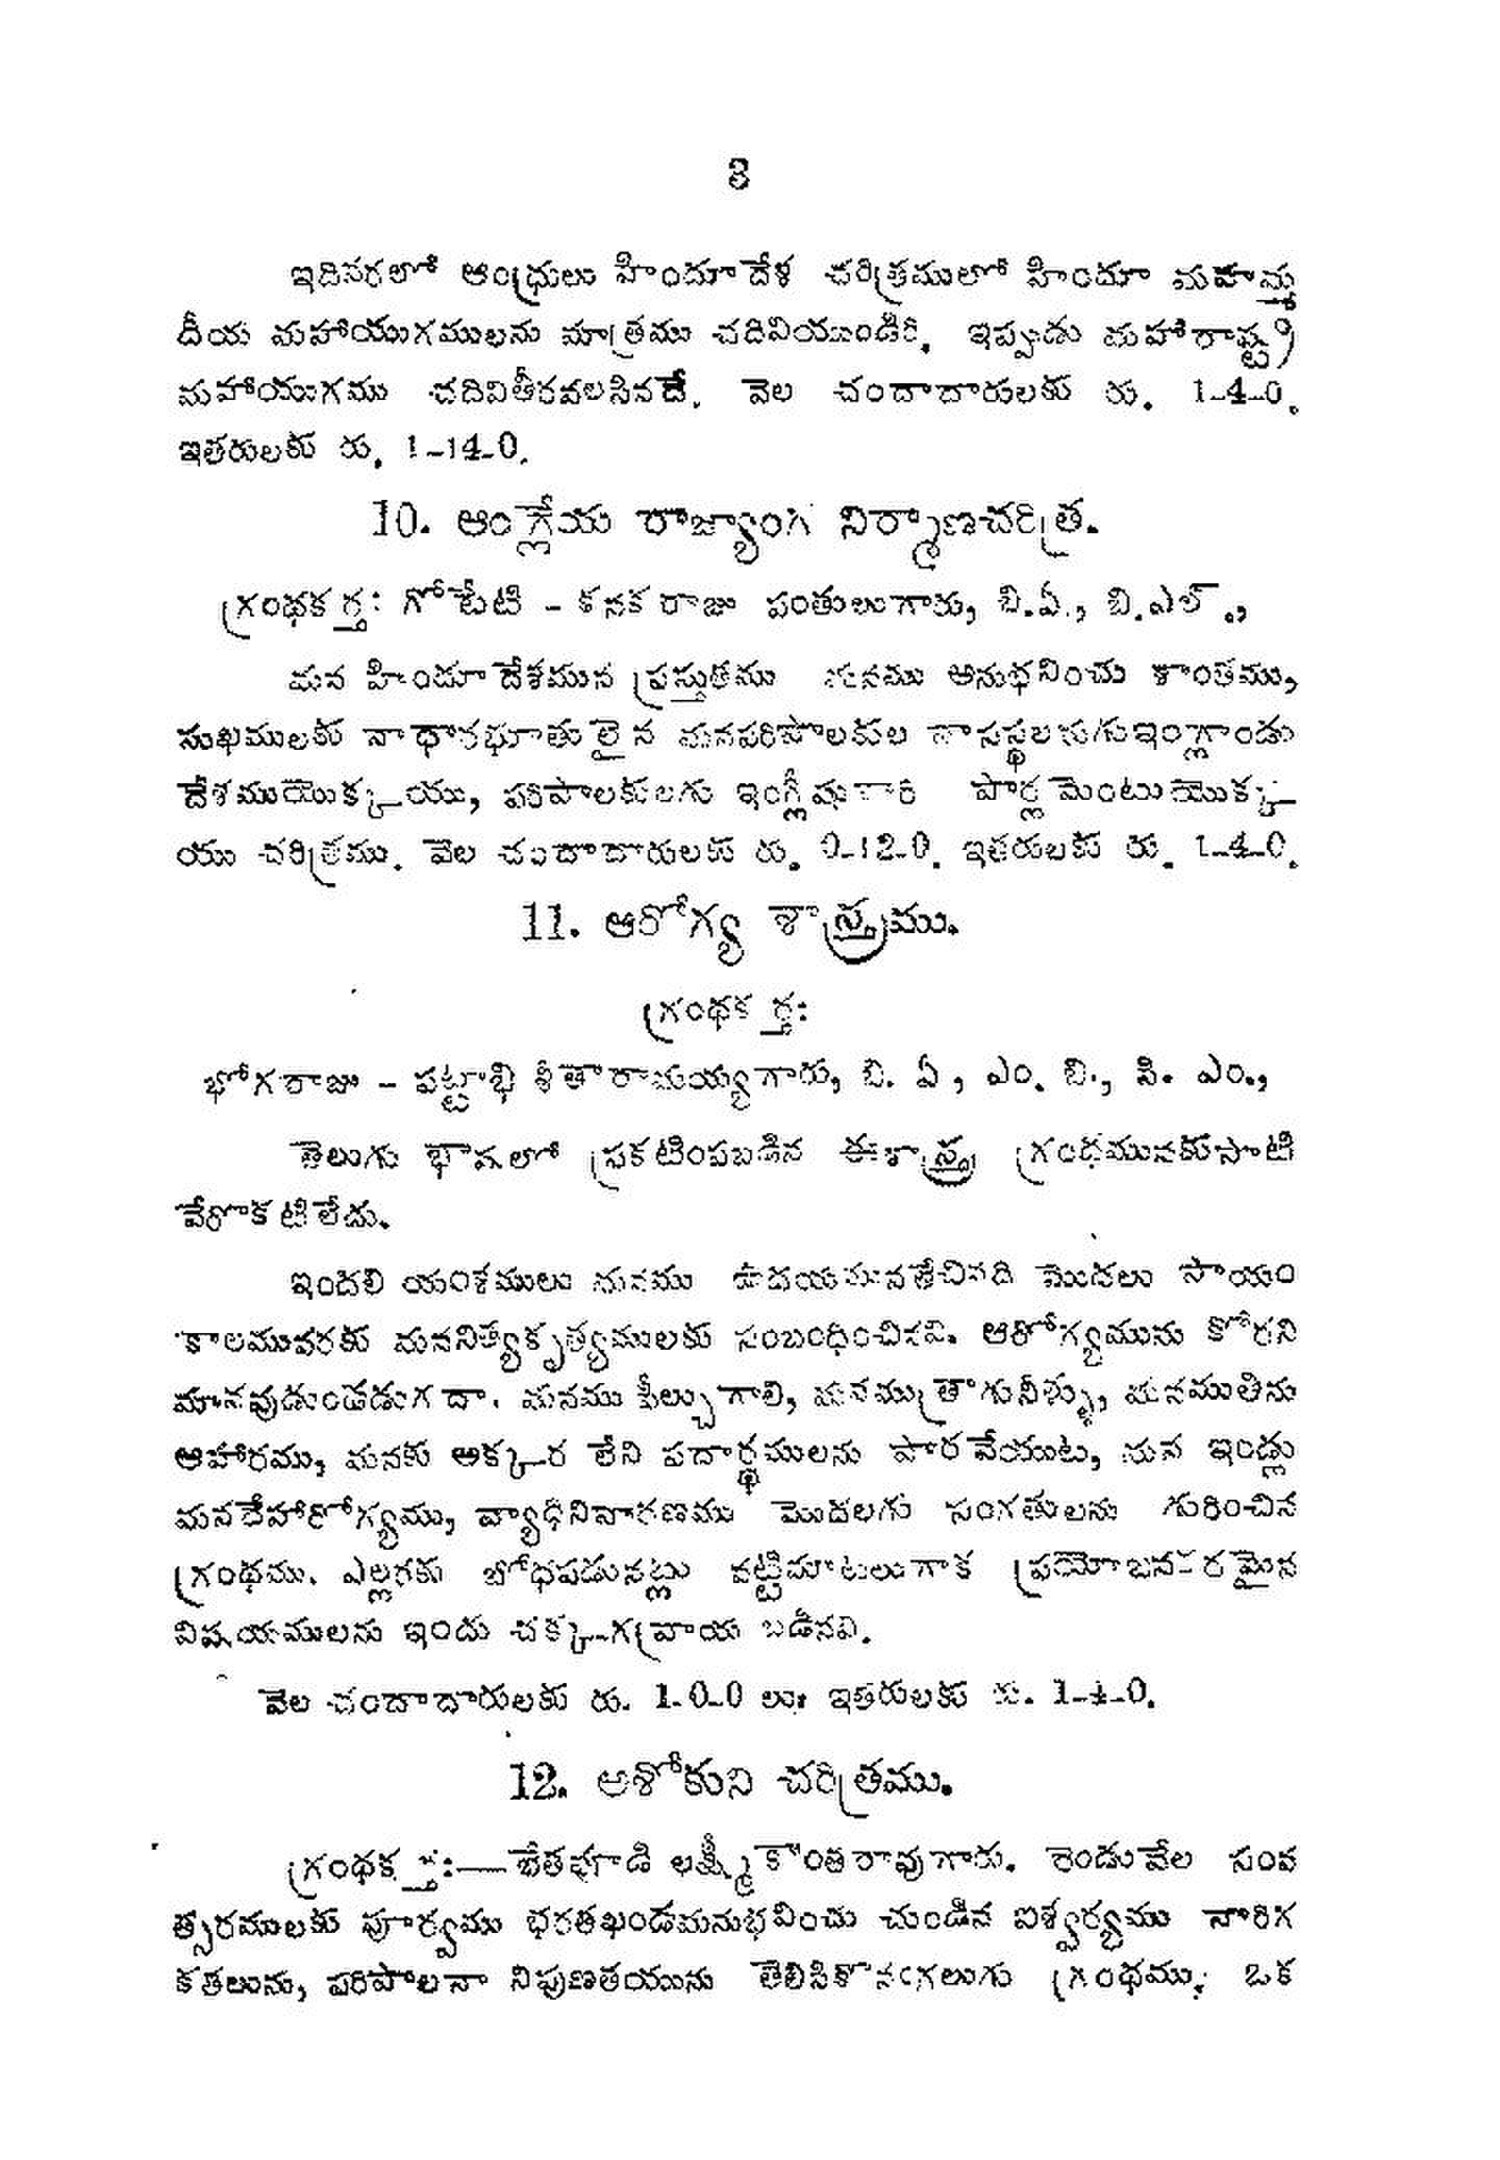ఇదివరలో ఆంధ్రులు హిందూదేశ చరిత్రములో హిందూ మహమ్మదీయ మహాయుగములను మాత్రము చదివియుండిరి. ఇప్పుడు మహారాష్ట్ర మహాయుగము చదివితీరవలసినదే. వెల చందాదారులకు రూ. 1-4-0. ఇతరులకు రు. 1-14-0.

గ్రంథకర్త : గోటేటి - కనకరాజు పంతులుగారు, బి.ఏ., బి.ఎల్ .,

మన హిందూదేశమున ప్రస్తుము మనము అనుభవించు శాంతము, సుఖములకు నాధారభూతులైన మనపరిపాలకుల నాసస్థలమగు ఇంగ్లాండుదేశముయొక్కయు, పరిపాలకులగు ఇంగ్లీషువారి పార్లమెంటుయొక్కయు చరిత్రము. వెల చందాదారులకు రు. 0-12-0. ఇళరులకు రు. 1-4-0.

భోగరాజు - పట్టాభి శీతారామయ్యగారు, బి.ఏ, ఎం.బి., సి. ఎం.,

తెలుగు భాషలో ప్రకటింపబడిన ఈశాస్త్ర గ్రంధమునకుసాటి వేరొకటి లేదు.

ఇందలి యంశములు మనము ఉదయమునలేచినది మొదలు సాయంకాలమువరకు మననిత్యకృత్యములకు సంబంధించినవి. ఆరోగ్యమును కోరని మానవుడుండడుగదా. మనము పీల్చు గాలి, మనము త్రాగునీళ్ళు, మనము తిను ఆహారము, మనకు అక్కర లేని పదార్థములను పారవేయుట, నున ఇండ్లు మన దేహారోగ్యము, వ్యాధి నివారణము మొదలగు సంగతులను గురించిన గ్రంథము. ఎల్లరకు బోధపడునట్లు వట్టిముటలుగాక ప్రయోజనకరమైన విషయములను ఇందు చక్కగవ్రాయ బడినవి. 

వెల చందాదారులకు రు. 1-0-0 లు. ఇకరులకు రు. 1-4-0.

 

గ్రంథకర్త:- బేతపూడి లక్ష్మీ కాంతరావుగారు. రెండువేల సంవత్సరములకు పూర్వము భరతఖండమనుభవించు చుండిన ఐశ్వర్యము నాగరికతలును, పరిపాలనా నిపుణతుయును తెలిసికొనఁగలుగు గ్రంధము, ఒక